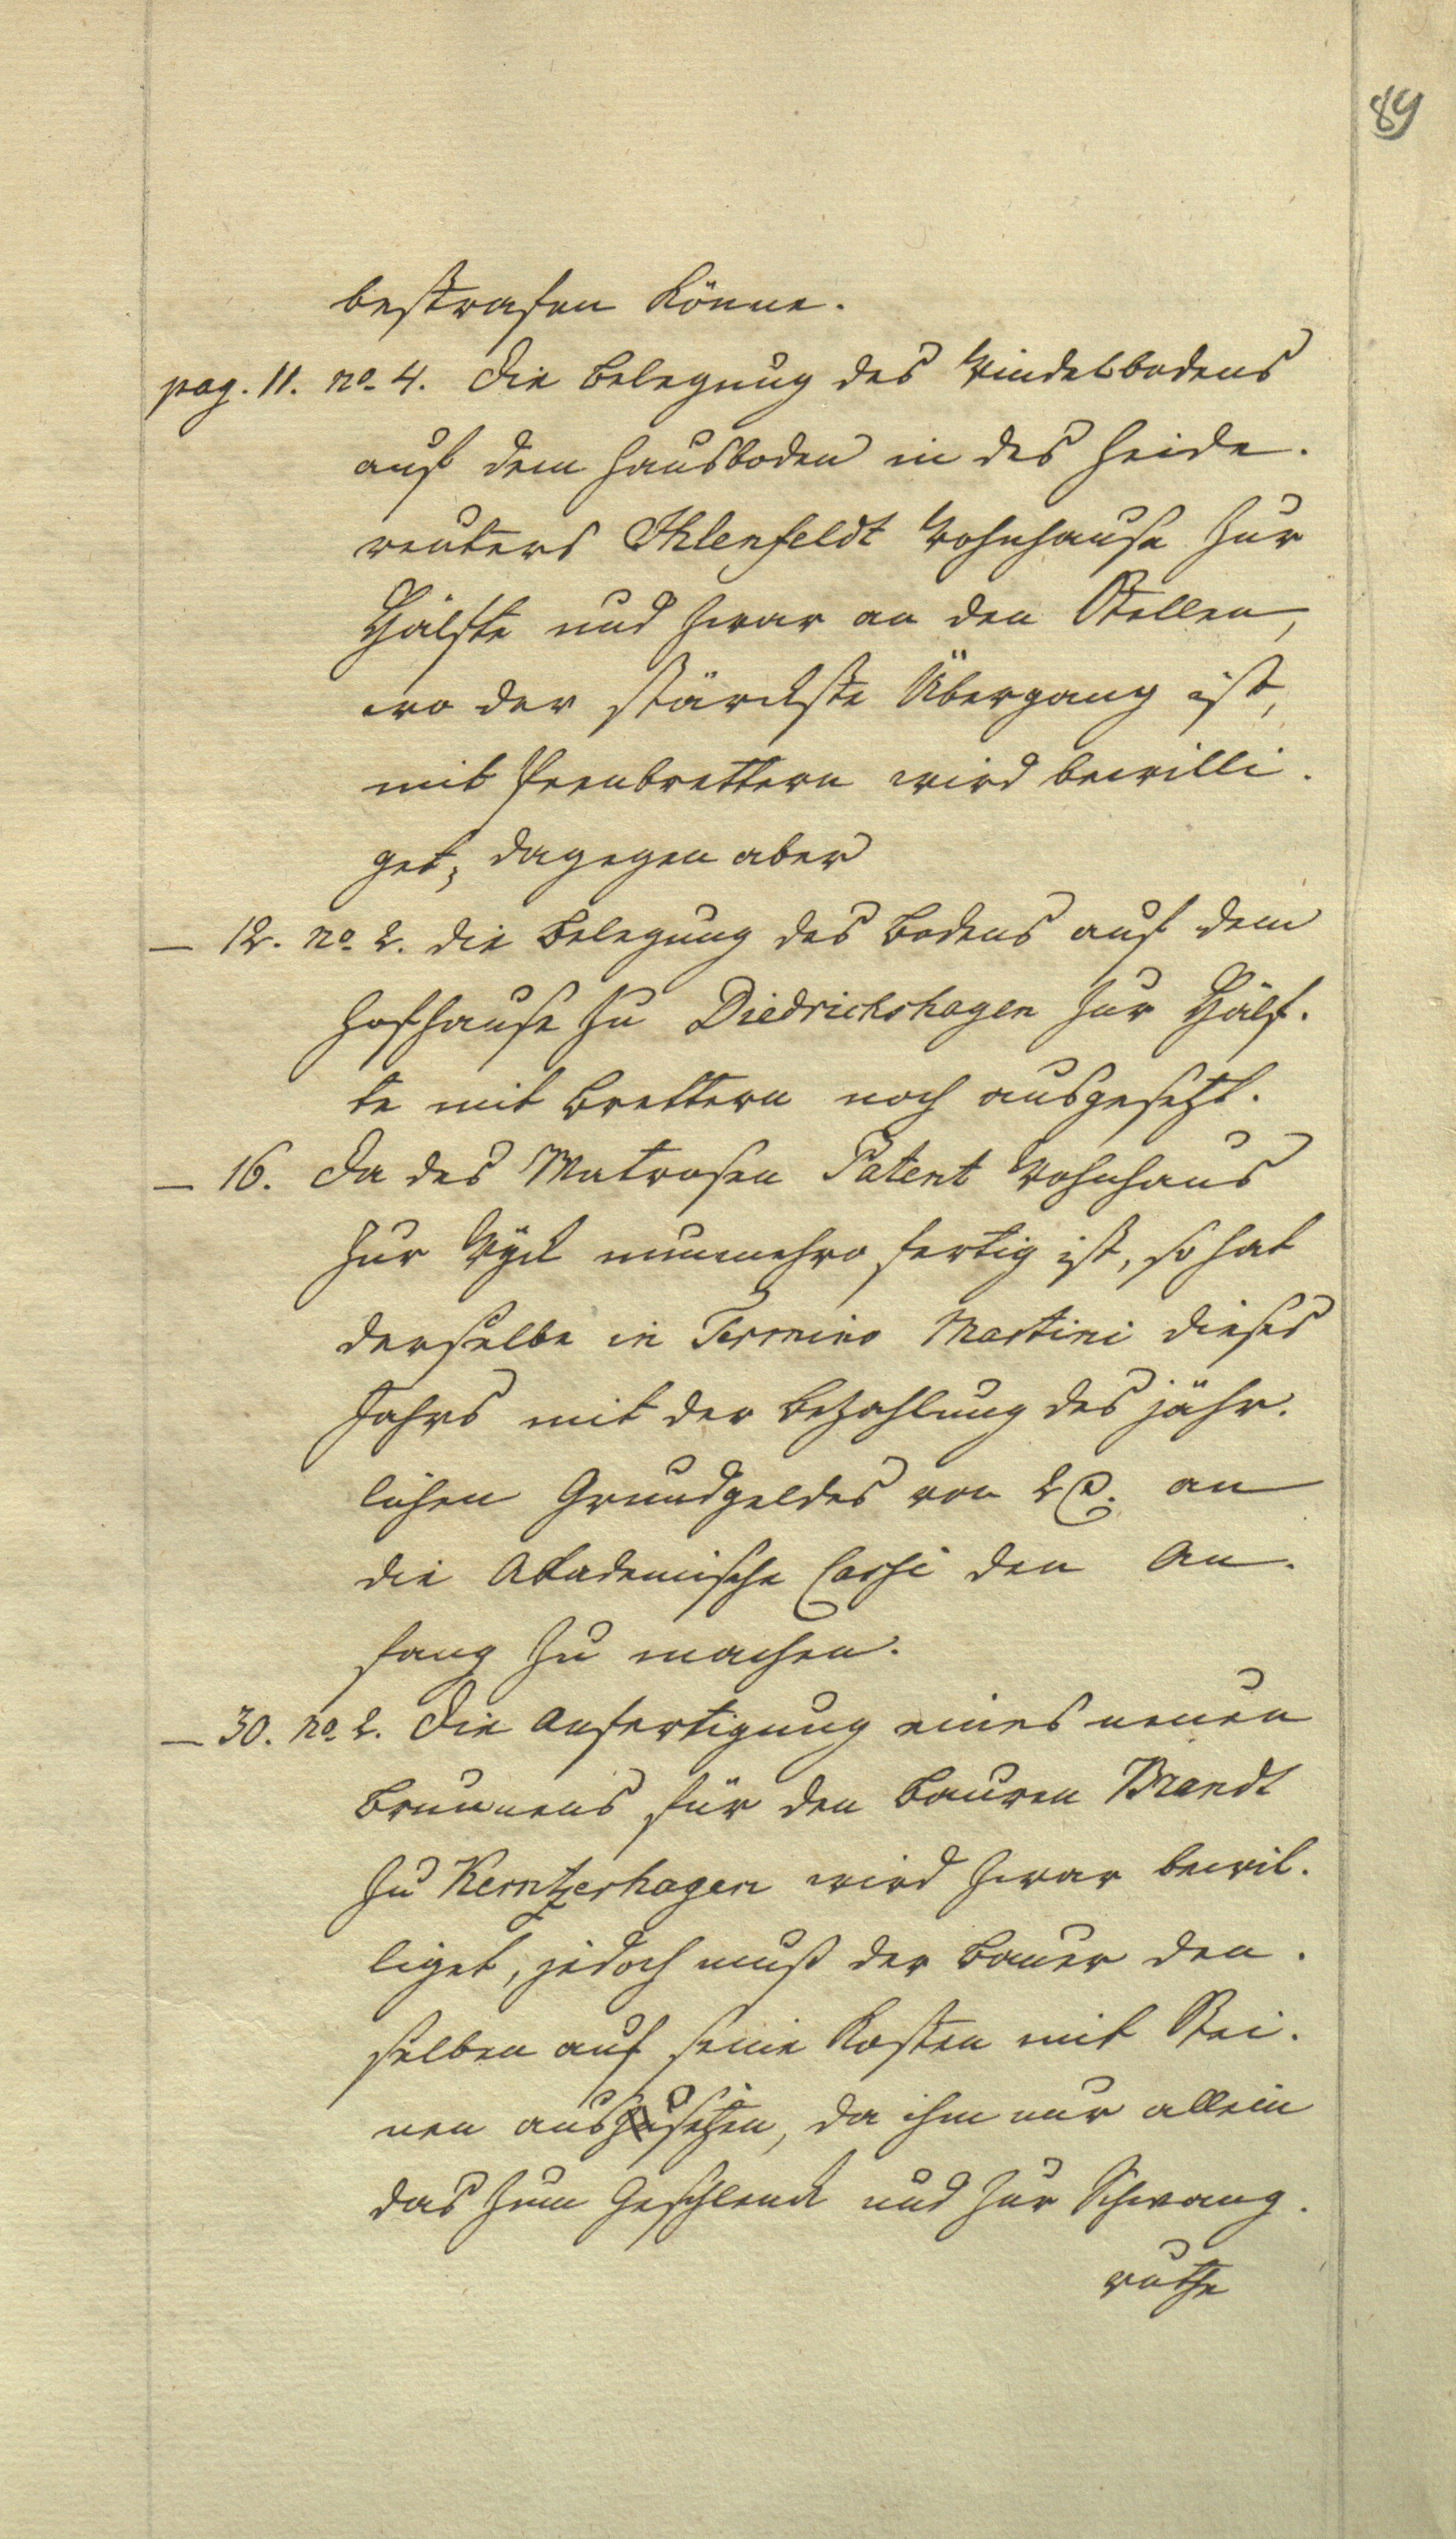bestrafen könne.
pag. 11. No 4. Die Belegung des Windelbodens
auf dem Hausboden in des Heide-
reuters Ihlenfeldt Wohnhause zur
Hälfte und zwar an den Stellen,
wo der stärckste Übergang ist,
mit Peenbrettern wird bewilli¬
get, dagegen aber
12. No 2. die Belegung des Bodens auf dem
Hofhause zu Diedrichshagen zur Hälf¬
te mit Brettern noch ausgesetzt.
16. Da des Matrosen Patent Wohnhaus
zur Wÿck nunmehro fertig ist, so hat
derselbe in Termino Martini dieses
Jahres mit der Bezahlung des jähr¬
lichen Grundgeldes von 2 l. an
die Akademische Casse den An¬
fang zu machen.
30. No 2. Die Anfertigung eines neuen
Brunnens für den Bauren Brandt
zu Kemtzerhagen wird zwar bewil¬
liget, jedoch muß der Bauer den¬
selben auf seine Kosten mit Stei¬
nen auszusetzen, da ihm nur allein
das zum Geschlenck und zur Schwang¬
ruthe